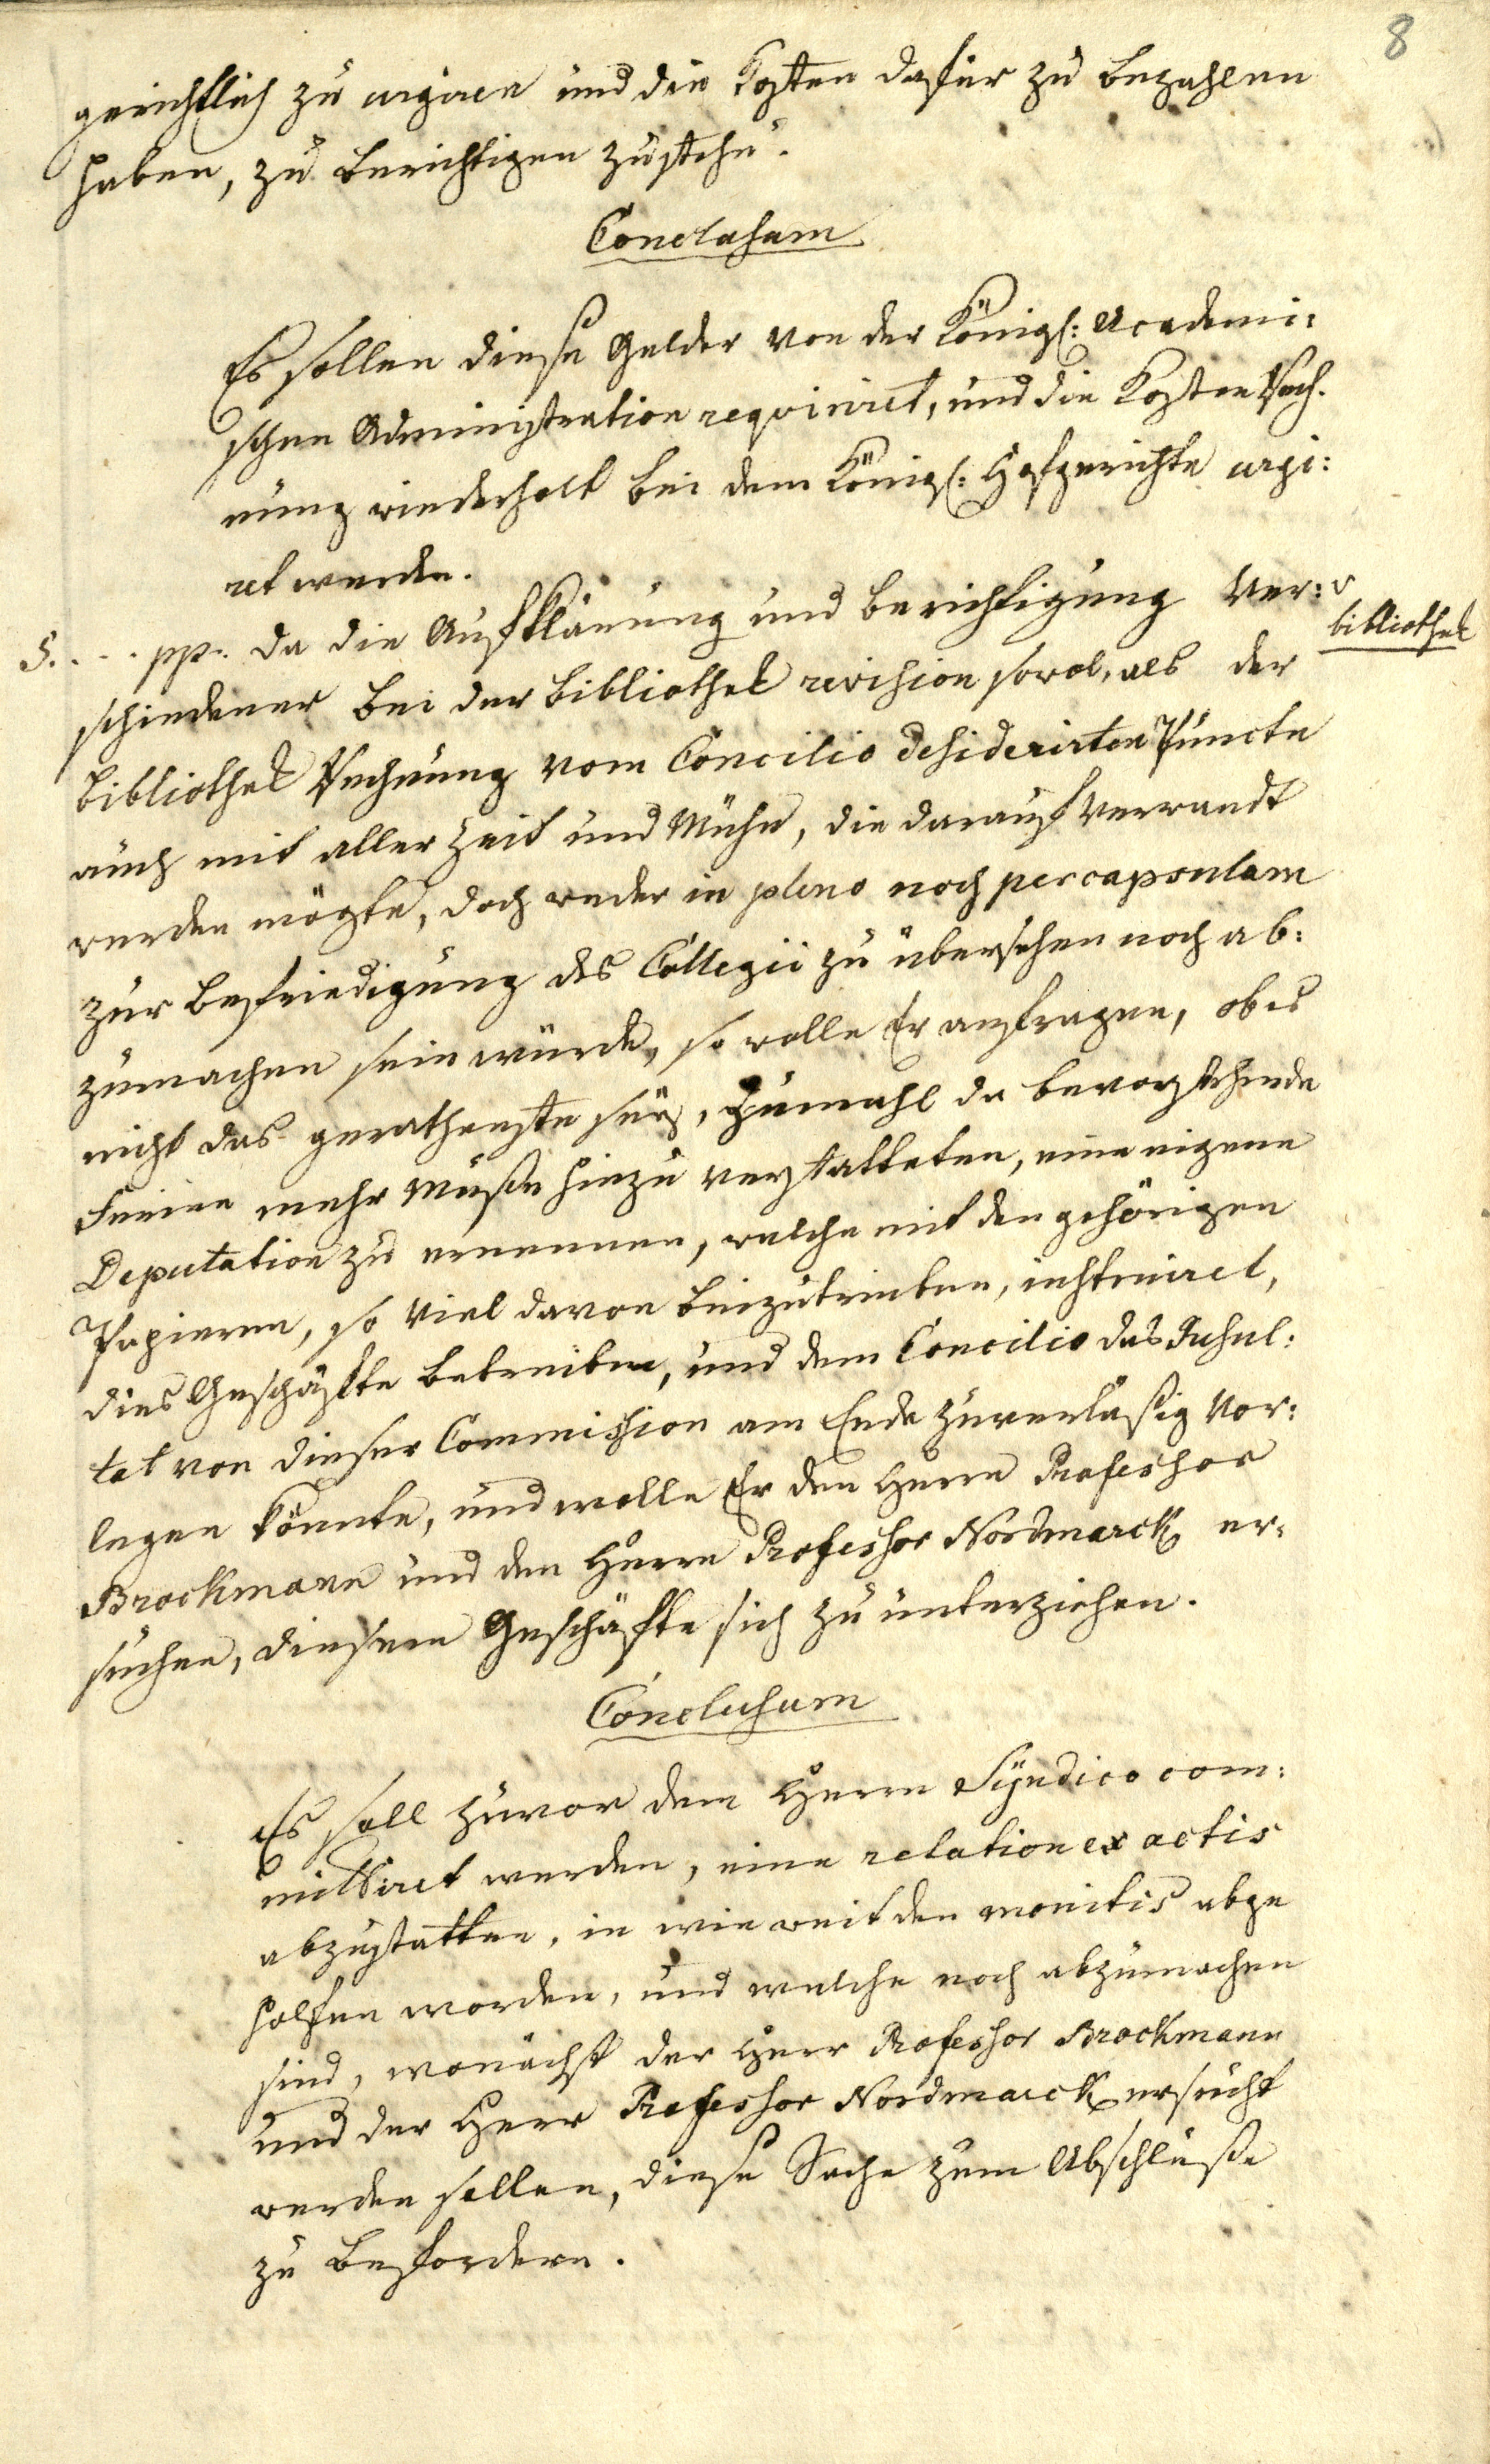gerichtlich zu urgiren und die Kosten dafür zu bezahlen
haben, zu berichtigen zustehe?
Conclusum
Es sollen diese Gelder von der Königl. Academi¬
schen Administration requiriret, und die Kosten Rech¬
nung wiederholt bei dem Königl. Hofgerichte ur¬
ret werden.
5. pp. Da die Aufklärung und Berichtigung ver¬
schiedener bei der Bibliothek revision sowol, als der
Bibliothek Rechnung vom Concilio desiderirten Puncte
auch mit aller Zeit und Mühe, die darauf verwandt
werden mögte, doch weder in pleno noch per capsulam
zur Befriedigung des Collegii zu übersehen noch ab¬
zumachen sein würde, so wolle Er anfragen, ob es
nicht das gerathenste seÿ, zumahl da bevorstehende
Ferien mehr Muße hiezu verstatteten, eine eigene
Deputation zu ernennen, welche mit den gehörigen
Papieren, so viel davon beizutreiben, instruiret,
dies Geschäfte betreiben, und dem Concilio das Resul¬
tat von dieser Commission an Ende zuverläßig vor¬
legen könnte, und wolle Er den Herrn Professor
Brockmann und dem Herrn Professor Nordmarck, er¬
suchen, diesem Geschäfte sich zu unterziehen.
Conclusum
Es soll zuvor dem Herrn Sÿndico com¬
mittiret werden, eine relation ex Actis
abzustatten, in wie weit den monitis abge¬
holfen worden, und welche noch abzumachen
sind, wonächst der Herr Professor Brockmann
und der Herr Professor Nordmarck ersucht
werden sollen, diese Sache zum Abschluße
zu befordern.